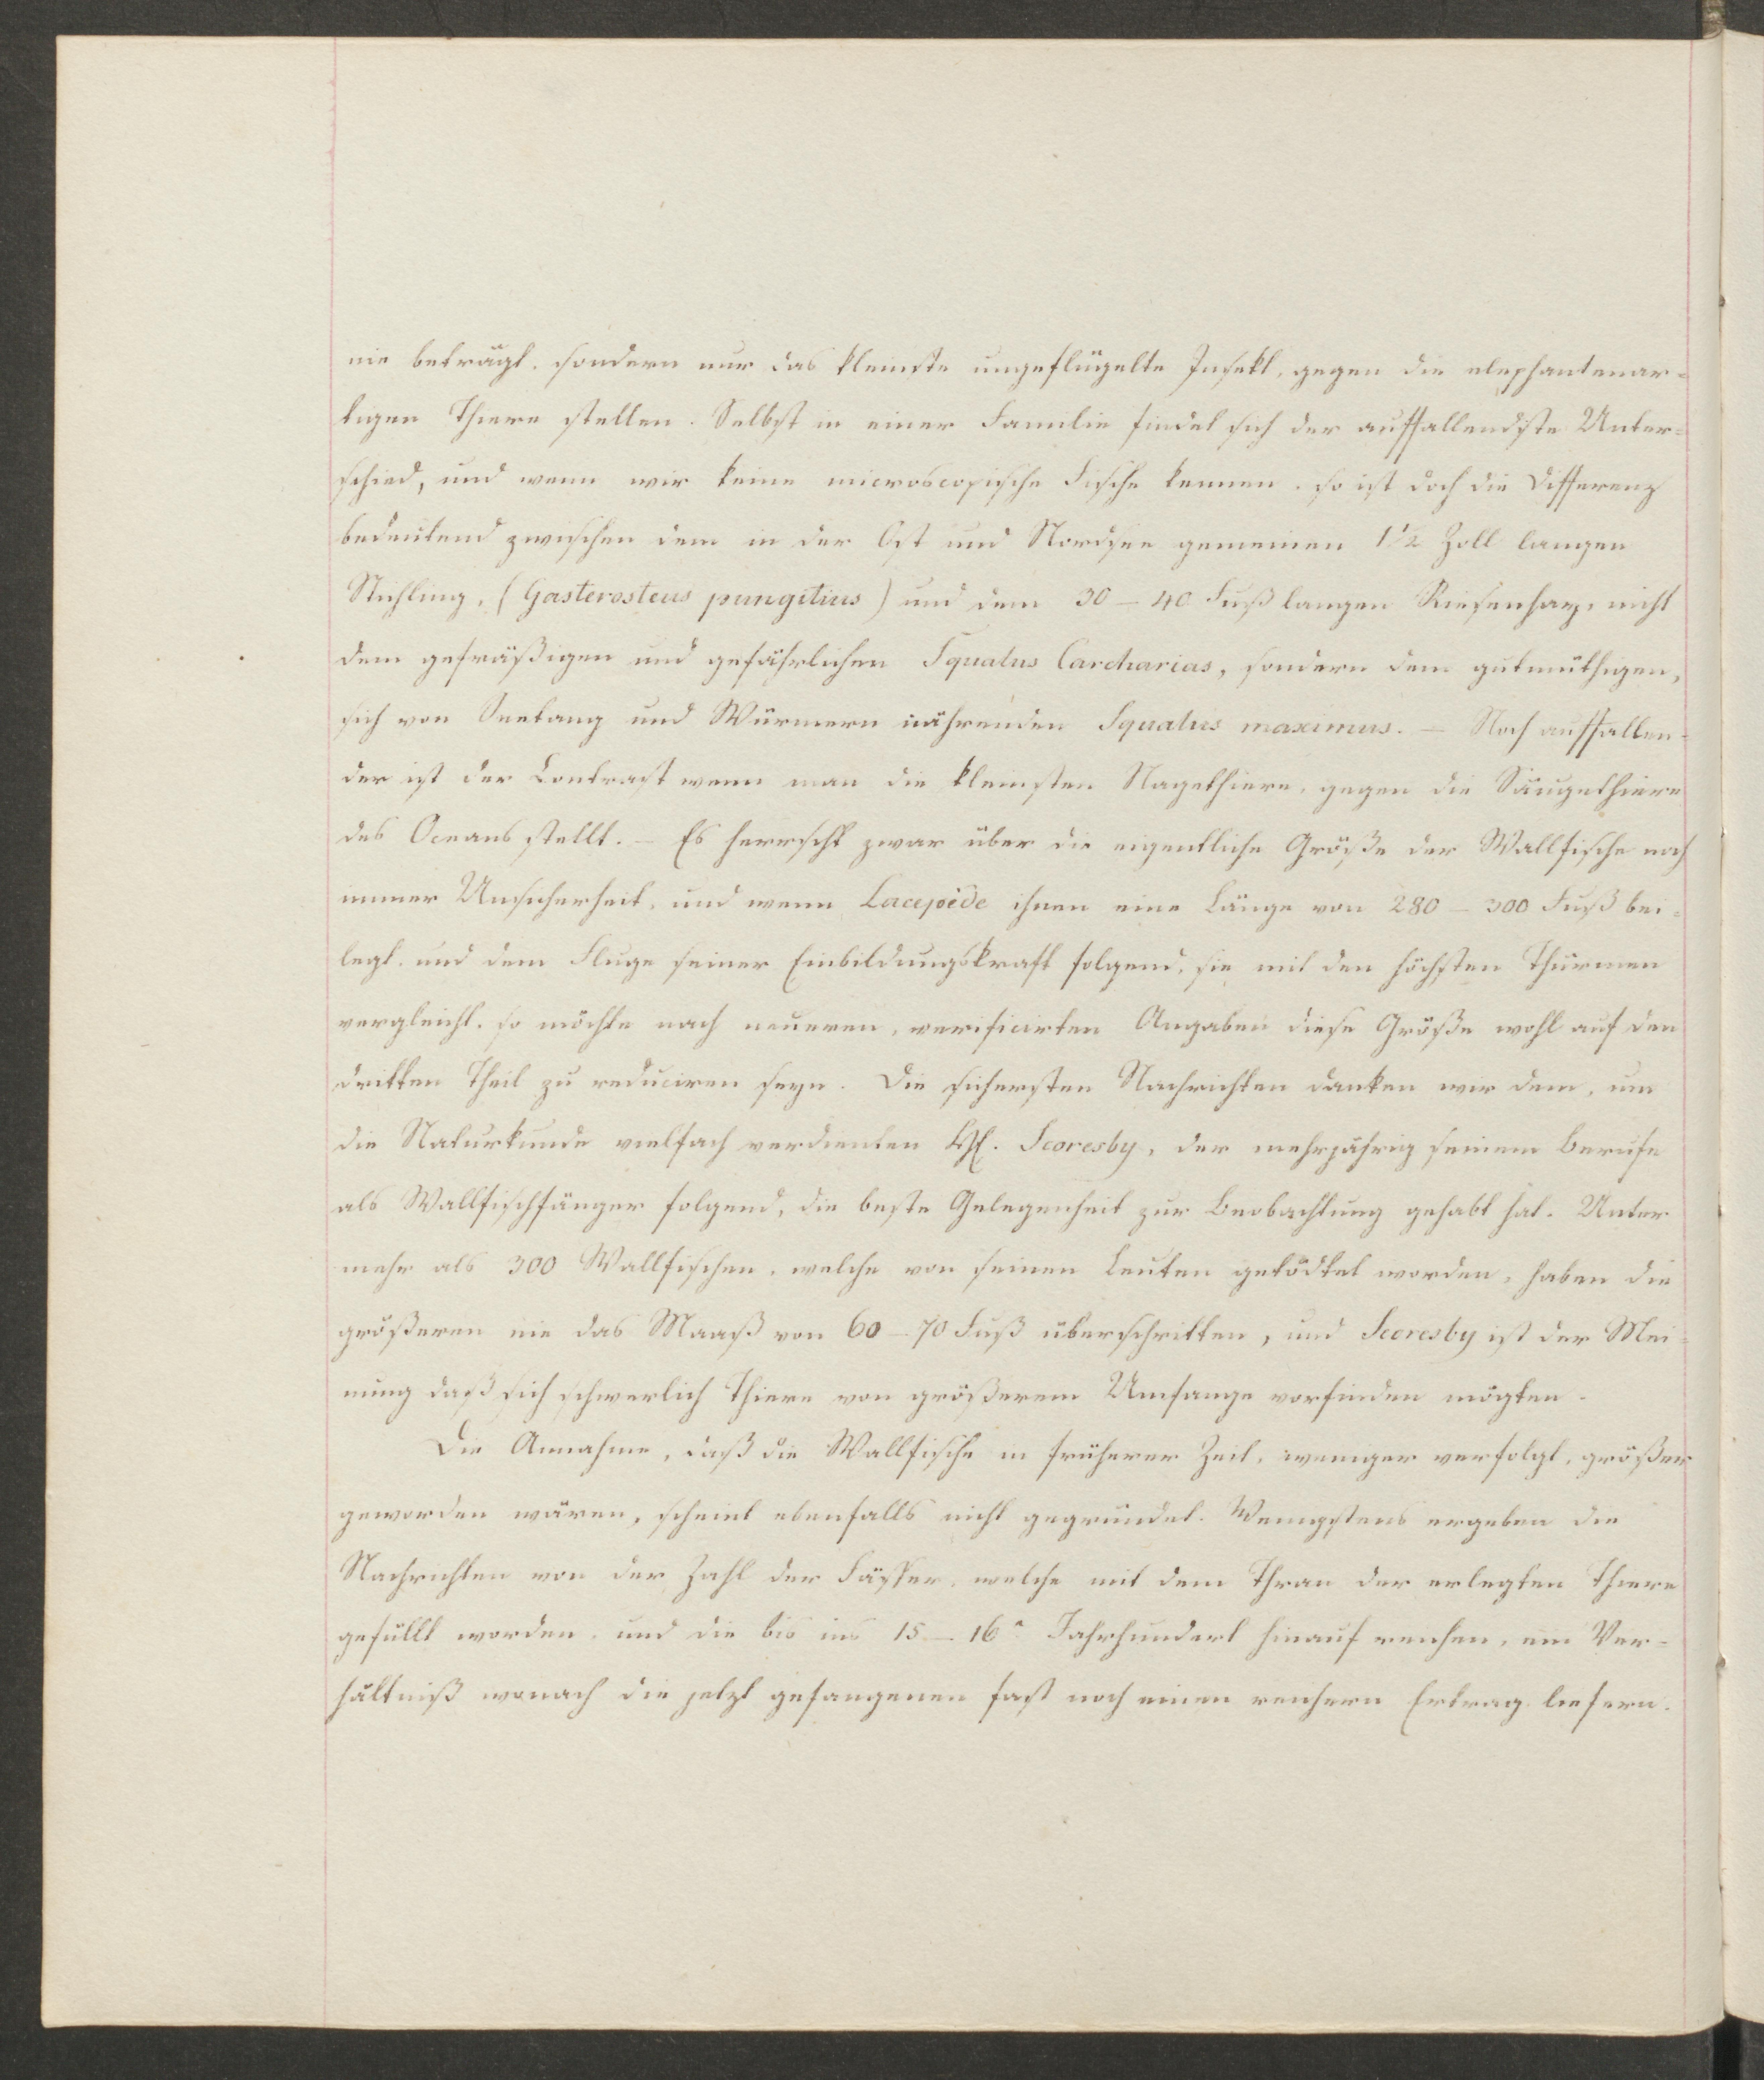nie beträgt, sondern nur das kleinste ungeflügelte Insekt, gegen die elephantenar-
tigen Thiere stellen. Selbst in einer Familie findet sich der auffallendste Unter-
schied, und wenn wir keine microscopische Fische kennen, so ist doch die Differenz
bedeutend zwischen dem in der Ost und Nordsee gemeinen 1½ Zoll langen
Stichling, und dem 30–40 Fuß langen Riesenhay, nicht
dem gefräßigen und gefährlichen Squalus Carcharias, sondern dem gutmüthigen,
sich von Seetang und Würmern nährenden Squalus maximus. – Noch auffallen-
der ist der Contrast wenn man die kleinsten Nagethiere, gegen die Säugethiere
des Oceans stellt. – Es herrscht zwar über die eigentliche Größe der Wallfische noch
immer Unsicherheit, und wenn Lacepède ihnen eine Länge von 280–300 Fuß bei-
legt, und dem Fluge seiner Einbildungskraft folgend, sie mit den höchsten Thürmen
vergleicht, so möchte nach neueren, verificirten Angaben diese Größe wohl auf den
dritten Theil zu reduciren seyn. Die sichersten Nachrichten danken wir dem, um
die Naturkunde vielfach verdienten H￼. Scoresby, der mehrjährig seinem Berufe
als Wallfischfänger folgend, die beste Gelegenheit zur Beobachtung gehabt hat. Unter
mehr als 300 Wallfischen, welche von seinen Leuten getödtet worden, haben die
größeren nie das Maaß von 60–70 Fuß überschritten, und Scoresby ist der Mei-
nung daß sich schwerlich Thiere von größerem Umfange vorfinden mögten.
Die Annahme, daß die Wallfische in früherer Zeit, weniger verfolgt, größer
geworden wären, scheint ebenfalls nicht gegründet. Wenigstens ergeben die
Nachrichten von der Zahl der Fässer, welche mit dem Thran der erlegten Thiere
gefüllt worden, und die bis ins 15–16￼ Jahrhundert hinauf reichen, ein Ver-
hältniß wonach die jetzt gefangenen fast noch einen reichern Ertrag liefern.